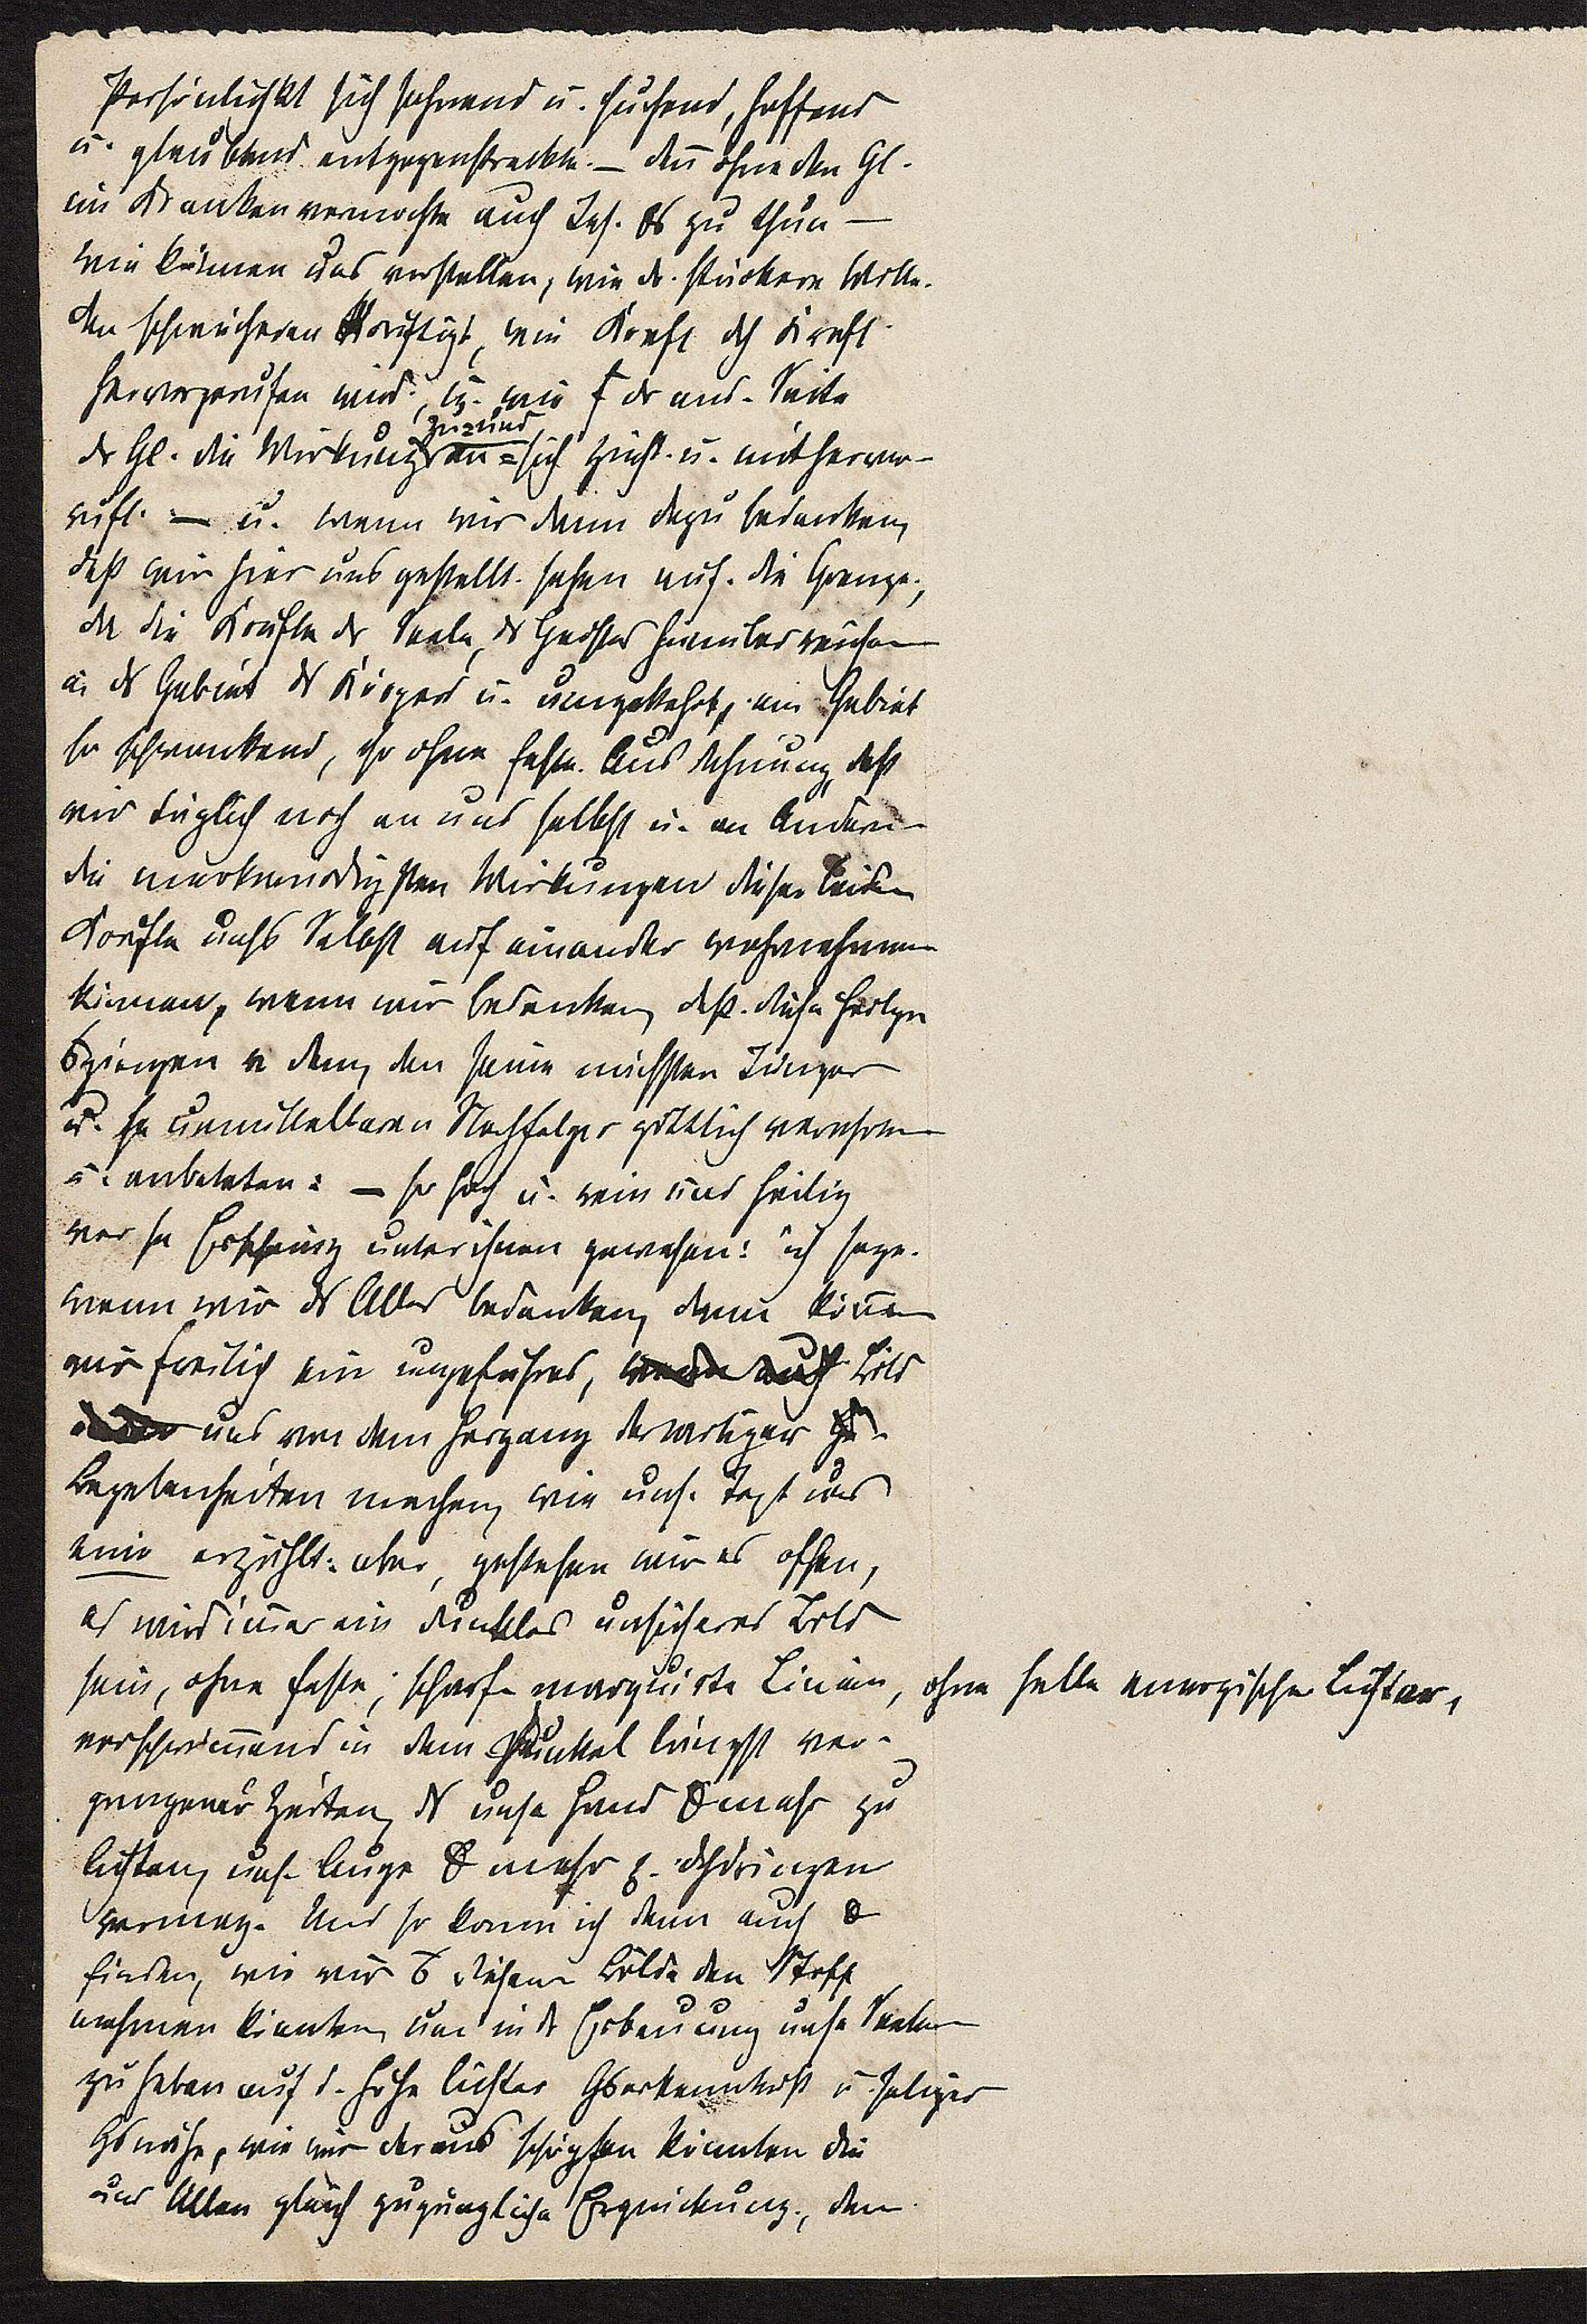Persönlichkt sich sehnend u. suchend, hoffend
u. glaubend entgegenzustrecken. _ den ohne den Gl¬
im Kranken vermochte auch Jes. os zu thun _
wir können uns vorstellen, wie dr. stärkere Wille.
den schwächeren kräftigt, wie Kraft dch Kraft
hevergerufen wird; u. wie f dr and. Seite
zu- und
der Gl. die Wirkung zu sich zieht u. mithervor¬
ruft. _ u. wenn wir dann dazu bedenken,
daß wir hier uns gestellt sehen auf die Grenze,
da die Kräfte der Seele, des Geistes hinüberreichen
in des Gebiet des Körpers u. umgekehrt, ein Gebiet
so schwanktend, so ohne fehle. Ausdehnung, daß
wir täglich noch an uns selbst u. an Andern
die merkwürdigsten Wirkungen dieser beiden
Kräfte uns selbst aufeinander wahrnehmen
können, wenn wir bedenken, daß. diese Heilgn
sgingen v dem, den seine nächsten Jüngern
u. sn unmittelbaren Nachfolger göttlich verehren
u. anbeteten: so hoch u. rein und heilig
war sn Erscheing unter ihnen gewesen: ich sagen.
wenn wir ds Alles bedenken, dann könen
wir freilich ein ungefähres, wenn auch Bild
um uns von dem Hergang damaliger Ge¬
Begebenheiten machen, wie uns. Test und
eine erzählt: aber, gestehen wir es offen,
es wird imer ein dunkles unsicheres Bild
sein, ohne feste, scharfe marquirte Linien,
ohne helle energischen Lichter,
verschwimend in dem Dunkel längst ver¬
gangener Zeiten, das unsr Hand o mehr zu
lüften, uns. Auge o mehr z. dchdringen
vermag. Und so kannn ich denn auch o
finden, wie wir s diesem Bilde den Stoff
nehmen könnten, um mit Erbauung unse Seele
zu heben auf d. Höhe lichter Gserkenntniß u seliger
Gsrhe, wie wir daraus schöpfen könnten die
uns Allen gleich zugängliche Erquickung, den